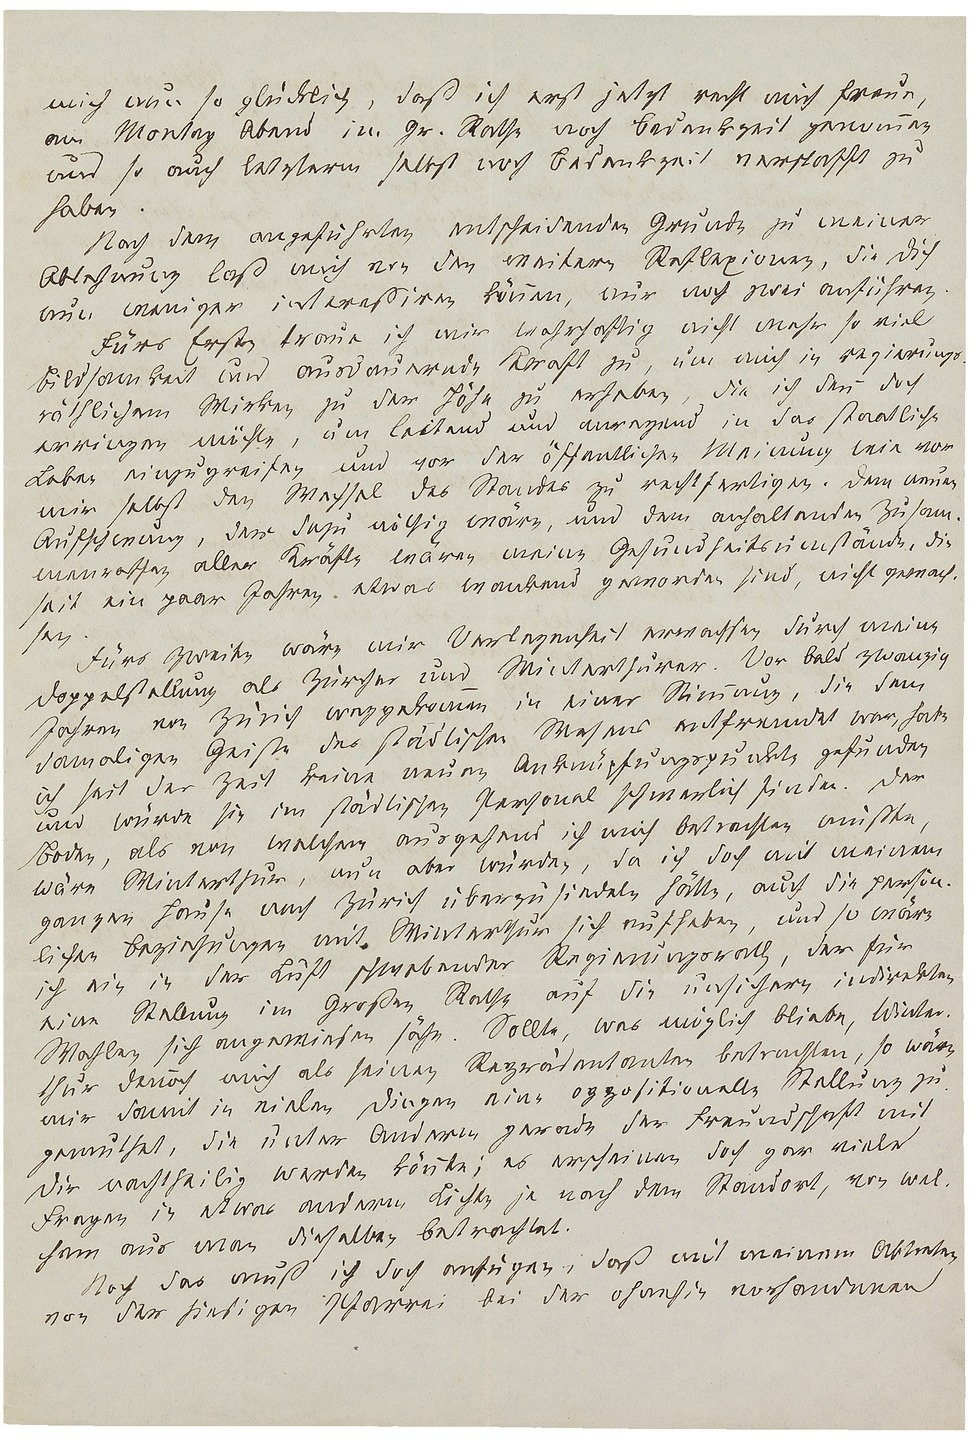mich nun so glücklich, daß ich erst jetzt recht mich freue,
am Montag Abend im Gr. Rathe noch Bedenkzeit genommen
und so auch letzterm selbst noch Bedenkzeit verschafft zu
haben.
Nach dem angeführten entscheidenden Grunde zu meiner
Ablehung laß mich von den weitern Reflexionen, die Dich
nun weniger interessiren können, nur noch zwei anführen.
Fürs Erste traue ich mir wahrhaftig nicht mehr so viel
Bildsamkeit und ausdauernde Kraft zu, um mich in regierungs-
räthlichem Wirken zu der Höhe zu erheben, die ich denn doch
erringen möchte, um leitend und anregend in das staatliche
Leben einzugreifen und vor der öffentlichen Meinung wie vor
mir selbst den Wechsel des Standes zu rechtfertigen. Dem neuen
Aufschwung, der dazu nöthig wäre, und dem anhaltenden Zusam-
menraffen aller Kräfte wären meine Gesundheitsumstände, die
seit ein paar Jahren etwas wankend geworden sind, nicht gewach-
sen.
Fürs zweite wäre mir Verlegenheit erwachsen durch meine
Doppelstellung als Zürcher und Winterthurer. Vor bald zwanzig
Jahren von Zürich weggekommen in einer Stimmung, die dem
damaligen Geiste des städtischen Wesens entfremdet war, habe
ich seit der Zeit keine neuen Anknüpfungspunkte gefunden
und würde sie im städtischen Personal schwerlich finden. Der
Boden, als von welchem ausgehend ich mich betrachten müßte,
wäre Winterthur, nun aber würde, da ich doch mit meinem
ganzen Hause nach Zürich überzusiedeln hätte, auch die persön-
lichen Beziehungen mit Winterthur sich aufheben, und so wäre
ich ein in der Luft schwebender Regierungsrath, der für
eine Stellung im Großen Rathe auf die unsichere indirekten
Wahlen sich angewiesen sähe. Sollte, was möglich bliebe, Winter-
thur dennoch mich als seinen Repräsentanten betrachten, so wäre
mir damit in vielen Dingen eine oppositionelle Stellung zu-
gemuthet, die unter Anderm gerade der Freundschaft mit
Dir nachtheilig werden könnte; es erscheinen doch gar viele
Fragen in etwas anderm Lichte je nach dem Standort, von wel-
chem aus man dieselben betrachtet.
Noch das muß ich doch anfügen; daß mit meinem Abtreten
von der hiesigen Pfarrei bei der ohnehin vorhandenen